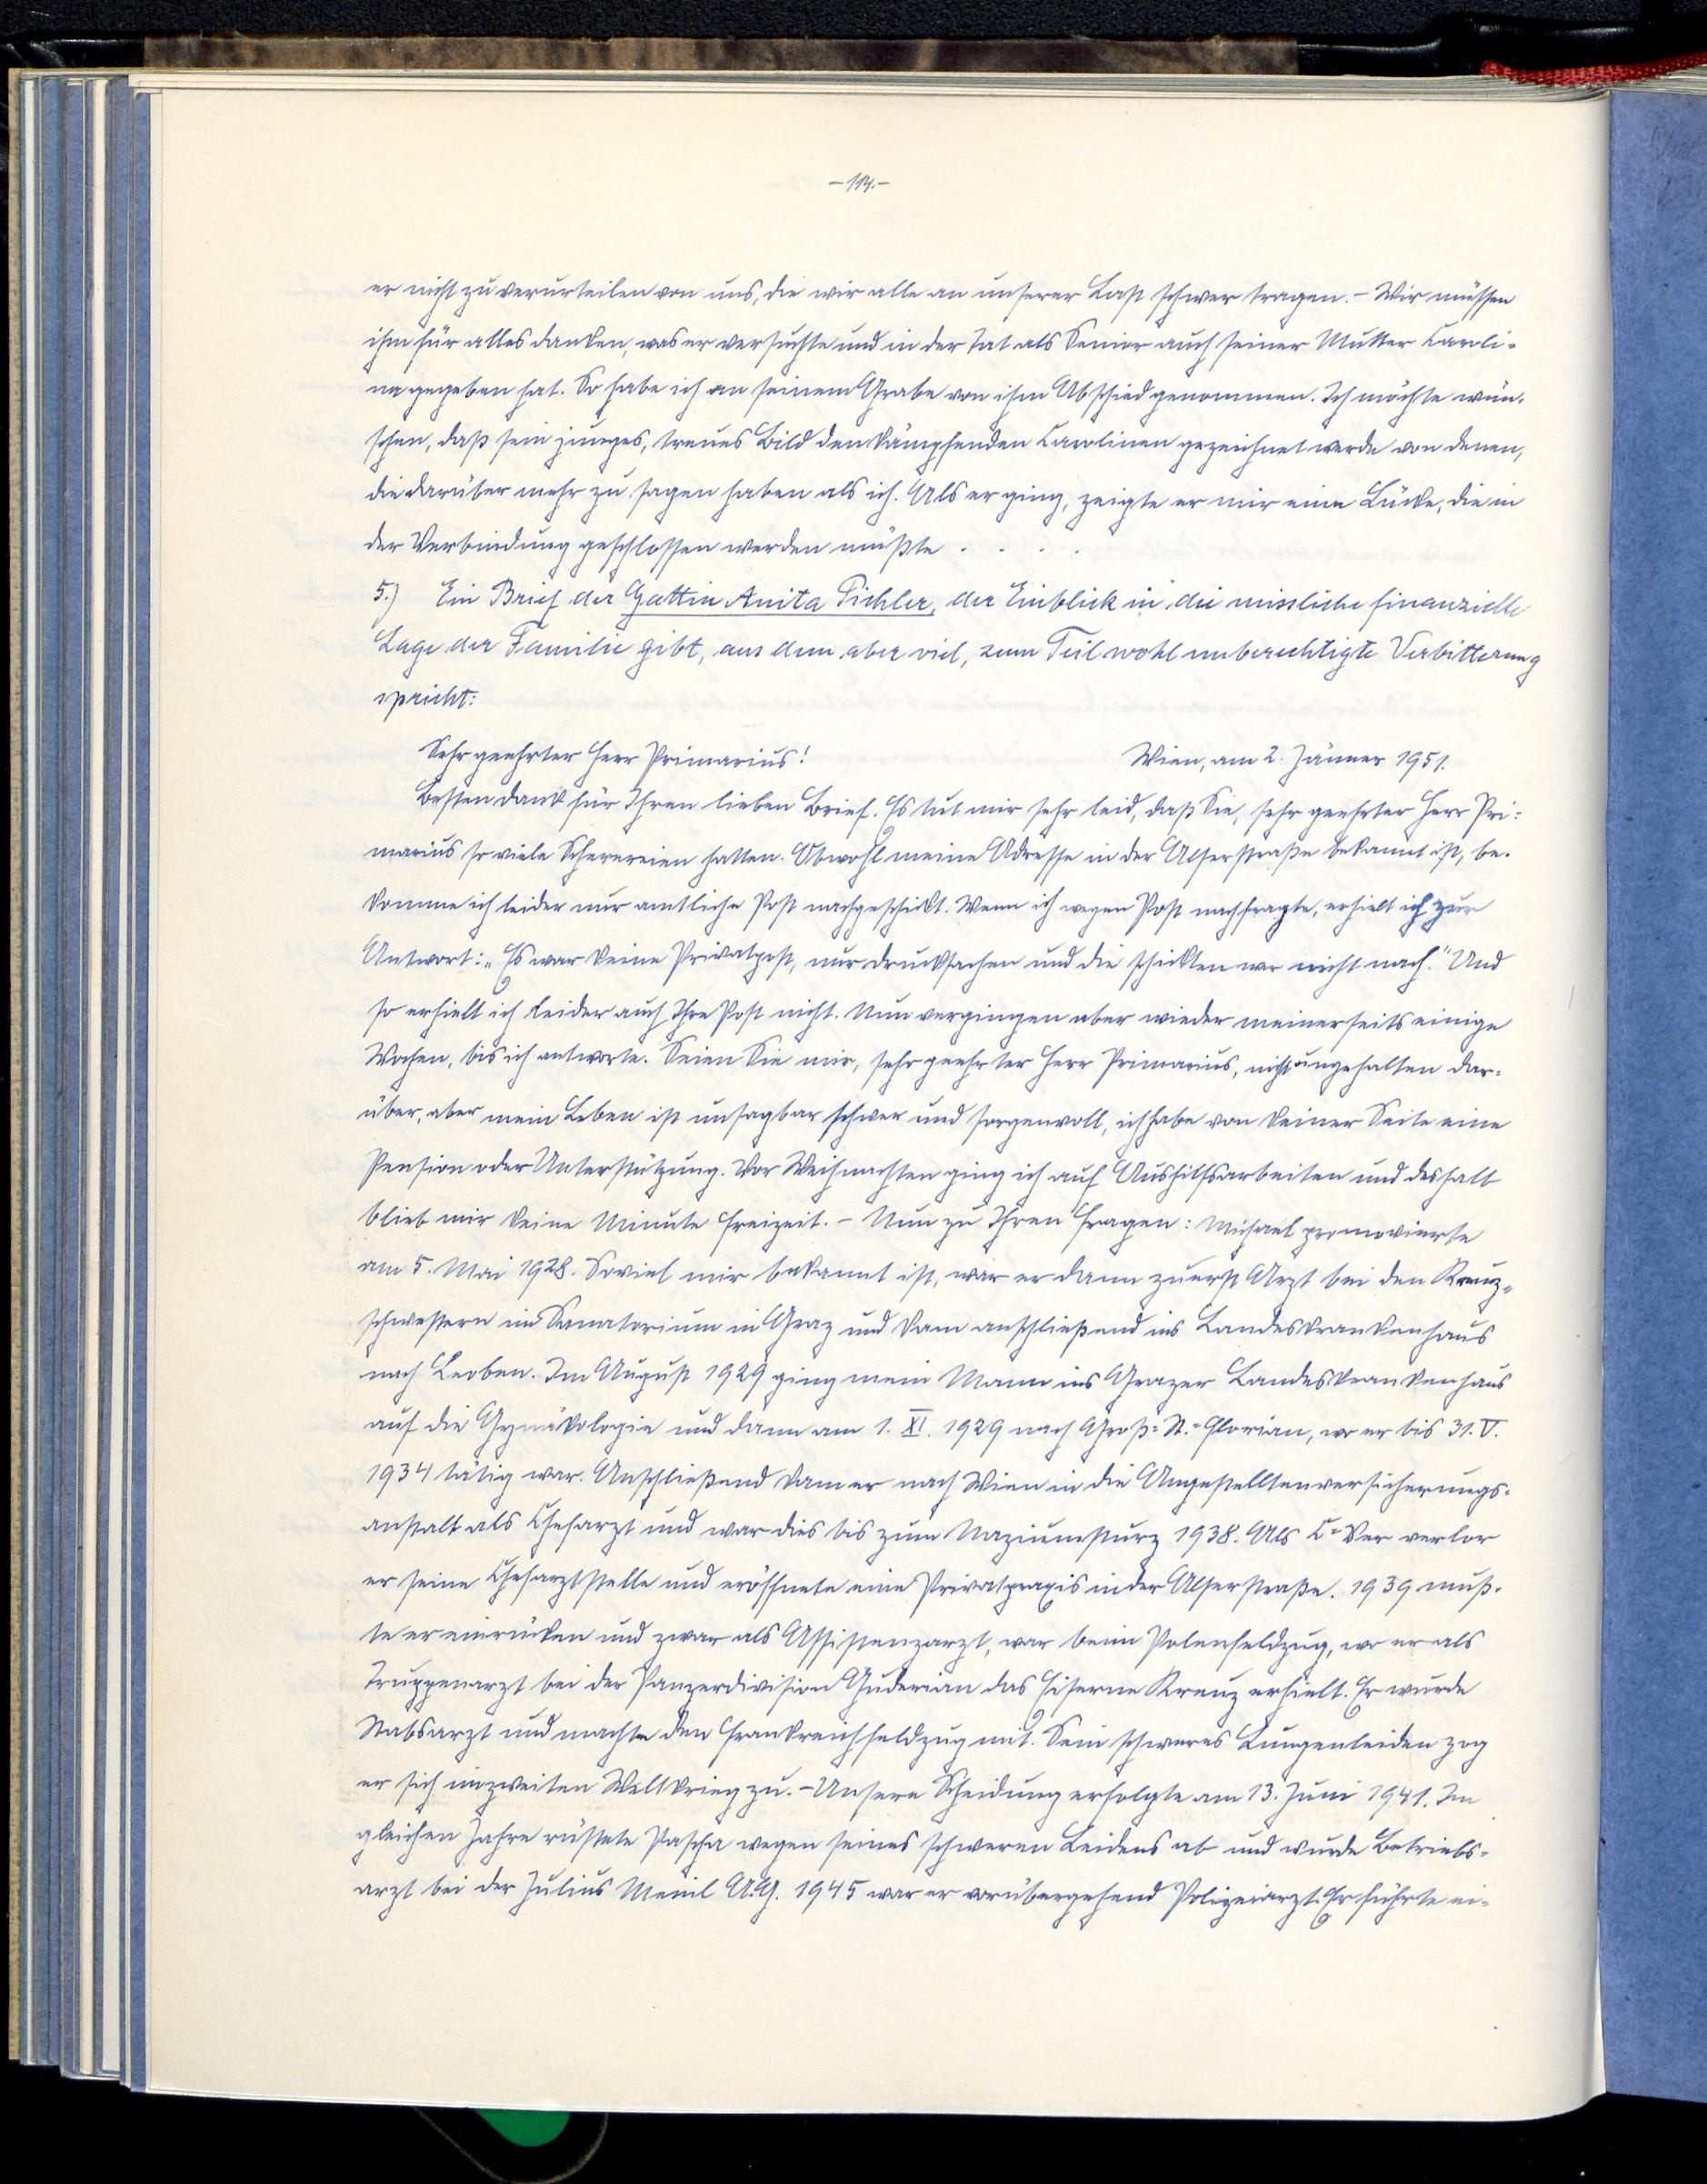114
er nicht zu verurteilen von uns, die wir alle an unserer Last schwer tragen. Wir müssen
ihm für alles danken, was er versuchte und in der Tat als Senior auch seiner Mutter Caroli-
na gegeben hat. So habe ich an seinem Grabe von ihm Abschied genommen. Ich machte wün
schen, dass sein junges, treues Bild den kämpfenden Caroline gezeichnet werde von denen,
die darüber mehr zu sagen haben als ich. Als er ging, zeigte er mir eine Lücke, die
der Verbindung geschlossen werden müsste...
5.) Ein Brief der Gattin Anita Pichler, der Einblick in die missliche finanzielle
Lage der Familie gibt, aus dem aber viel, zum Teil wohl unberechtigte Verbitterung
spricht:
Sehr geehrter Herr Primarius!
Wien, am 2. Jänner 1951
Besten Dank für Ihren lieben Brief. Es tut mir sehr leid, dass sie, sehr geehrter Herr Pri-
marius so viele Scherereien hatten. Obwohl meine Adresse in der Alserstraße bekannt ist, be-
kommen ich leider nur amtliche Rost nachgeschickt. Wenn ich wegen Post nachfragte, erhielt ich zur
Antwort: „Es war keine Privatpost, nur Drucksachen und die schickten wir nicht nach. Und
so erhielt ich leider auch Ihre Rost nicht. Nun vergingen aber wieder meinerseits einige
Wochen, bis ich antwortete. Seien Sie mir, sehr geehrter Herr Primarius, nicht ungehalten da-
über, aber mein Leben ist unsagbar schwer und sorgenvoll, ichhabe von keiner Seite eine
Pension oder Unterstützung. Vor Weihnachten ging ich auf Aushilfsarbeiten und deshalb
blieb mir keine Minute Freizeit. Nun zu Ihren Fragen: Michael promovierte
am 5. Mai 1928. Soviel mir bekannt ist, war er dann zuerst Arzt bei den Kreuz-
schwestern im Sanatorium in Graz und kam anschließend ins Landeskrankenhaus
nach Leoben. Im August 1929 ging mein Mann ins Grazer Landeskrankenhaus
auf die Gynäkologie und dann am 1. XI. 1929 noch Groß- St. Florian, wo er bis 31. V.
1934 tätig war. Anschließend kam er nach Wien in die Angestelltenversicherungs-
anstalt als Chefarzt und war dies bis zum Naziumsturz 1938. Als CVer verlor
er seine Cefarztstelle und eröffnete eine Privatprais in der Alserstraße. 1939 muß-
te er einrücken und zwar als Assistenzarzt, war beim Polenfeldzug, wo er als
Truppenarzt bei der Panzerdivision Guderian das Eiserne Kreuz erhielt. Er wurde
Stabsarzt und machte den Frankreichfeldzug mit . Sein schwerer Lungenleiden zog
er sich im zweiten Weltkrieg zu. Unsere Scheindung erfolgte am 13. Juni 1941. Im
gleichen Jahre rüstete Pascha wegen seines schweren Leiden ab und wurde Betriebs-
arzt bei der Julius Meinl AG, 1945 war er vorübergehend Polizeiarzt. Er führte ei-